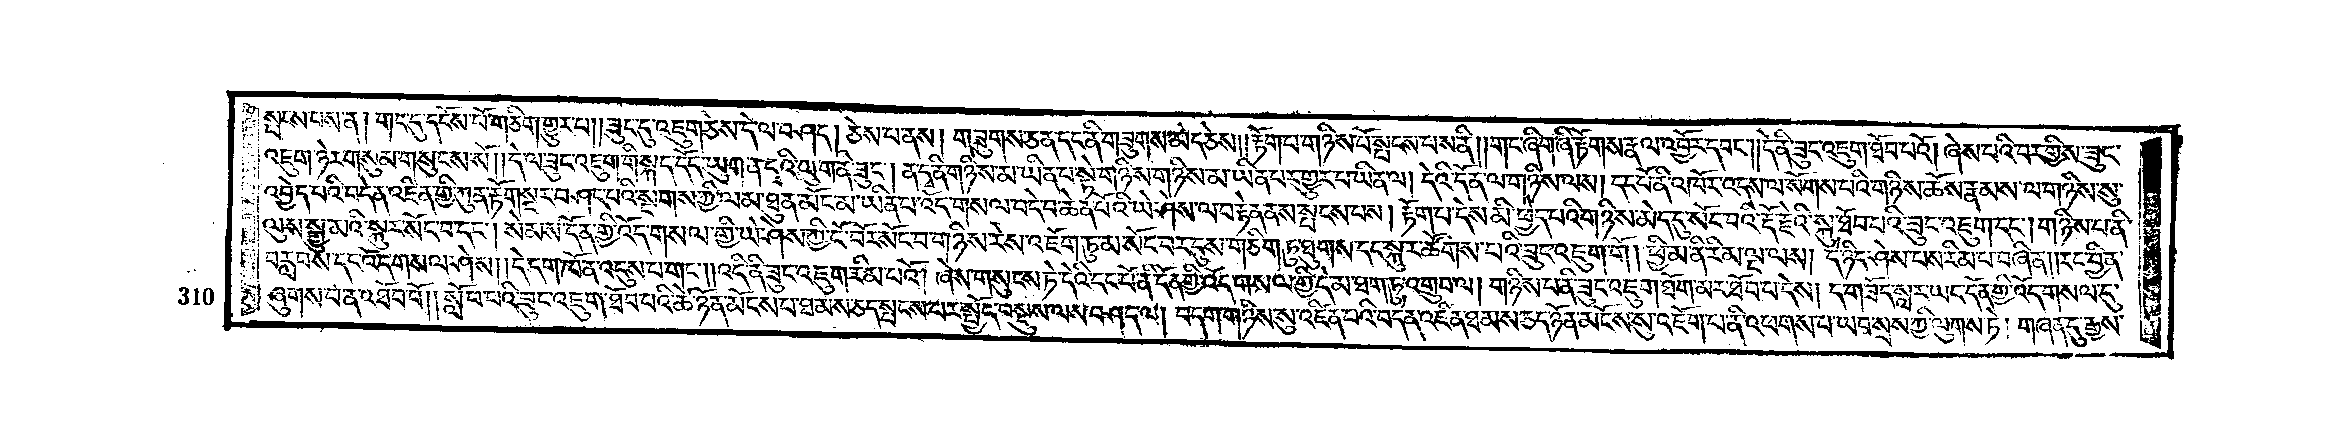སྤངས་པས་ན། གང་དུ་དངོས་པོ་གཅིག་གྱུར་པ། །ཟུང་དུ་འཇུག་ཅེས་དེ་ལ་བཤད། ཅེས་པ་ནས། གཟུགས་ཅན་དང་ནི་གཟུགས་མེད་ཅེས། །རྟོག་པ་གཉིས་པོ་སྤངས་པས་ནི། །གང་ཞིག་ཞི་རྟོགས་རྣལ་འབྱོར་དབང་། །དེ་ནི་ཟུང་འཇུག་ཐོབ་པའོ། ཞེས་པའི་བར་གྱིས་ཟུང་
འཇུག་ཉེར་གསུམ་གསུངས་སོ། །དེ་ལ་ཟུང་འཇུག་གི་སྐད་དོད་ཡུག་ན་དྭའི་ཡུ་ག་ནི་ཟུང་། ན་དྭ་ནི་གཉིས་མ་ཡིན་པ་སྟེ་གཉིས་གཉིས་མ་ཡིན་པར་གྱུར་བ་ཡིན་ལ། དེའི་དོན་ལ་གཉིས་ལས། དང་པོ་ནི་འཁོར་འདས་ལ་སོགས་པའི་གཉིས་ཆོས་རྣམས་ལ་གཉིས་སུ་
འབྱེད་པའི་བདེན་འཛིན་གྱི་ཀུན་རྟོག་སྔར་བཤད་པའི་སྔགས་ཀྱི་ལམ་ཐུན་མོང་མ་ཡིན་པ་འོད་གསལ་བདེ་བ་ཆེན་པོའི་ཡེ་ཤེས་ལ་བརྟེན་ནས་སྤངས་པས། རྟོག་པ་དེས་མི་ཕྱེད་པའི་གཉིས་མེད་དུ་སོང་བའི་རྡོ་རྗེའི་སྐུ་ཐོབ་པའི་ཟུང་འཇུག་དང་། གཉིས་པ་ནི་
ལུས་སྒྱུ་མའི་སྐུར་སོང་བ་དང་། སེམས་དོན་གྱི་འོད་གསལ་གྱི་ཡེ་ཤེས་ཀྱི་ངོ་བོར་སོང་བ་གཉིས་རེས་འཇོག་ཏུ་མ་སོང་བར་དུས་གཅིག་ཏུ་ཐུགས་དང་སྐུར་ཚོགས་པའི་ཟུང་འཇུག་གོ །ཕྱི་མ་ནི་རིམ་ལྔ་ལས། དེ་ཉིད་ཤེས་པས་རིམ་པ་བཞིན། །རང་བྱིན་
བརླབས་དང་འོད་གསལ་ཤེས། །དེ་དག་ཁོ་ན་འདུས་པ་གང་། །འདི་ནི་ཟུང་འཇུག་རིམ་པའོ། ཞེས་གསུངས་ཏེ་དེའི་དང་པོ་ནི་དོན་གྱི་འོད་གསལ་གྱི་དེ་མ་ཐག་ཏུ་འགྲུབ་ལ། གཉིས་པ་ནི་ཟུང་འཇུག་ཐོག་མར་ཐོབ་པ་དེས། ད་གཟོད་སླར་ཡང་དོན་གྱི་འོད་གསལ་དུ་
ཞུགས་པ་ན་འཐོབ་བོ། །སློབ་པའི་ཟུང་འཇུག་ཐོབ་པའི་ཚེ་ཉོན་མོངས་པ་ཐམས་ཅད་སྤངས་པར་སྤྱོད་བསྡུས་ལས་བཤད་ལ། བདག་གཉིས་སུ་འཛིན་པའི་བདེན་འཛིན་ཐམས་ཅད་ཉོན་མོངས་སུ་འཇོག་པ་ནི་འཕགས་པ་ཡབ་སྲས་ཀྱི་ལུགས་ཏེ། གཞན་དུ་རྒྱས་